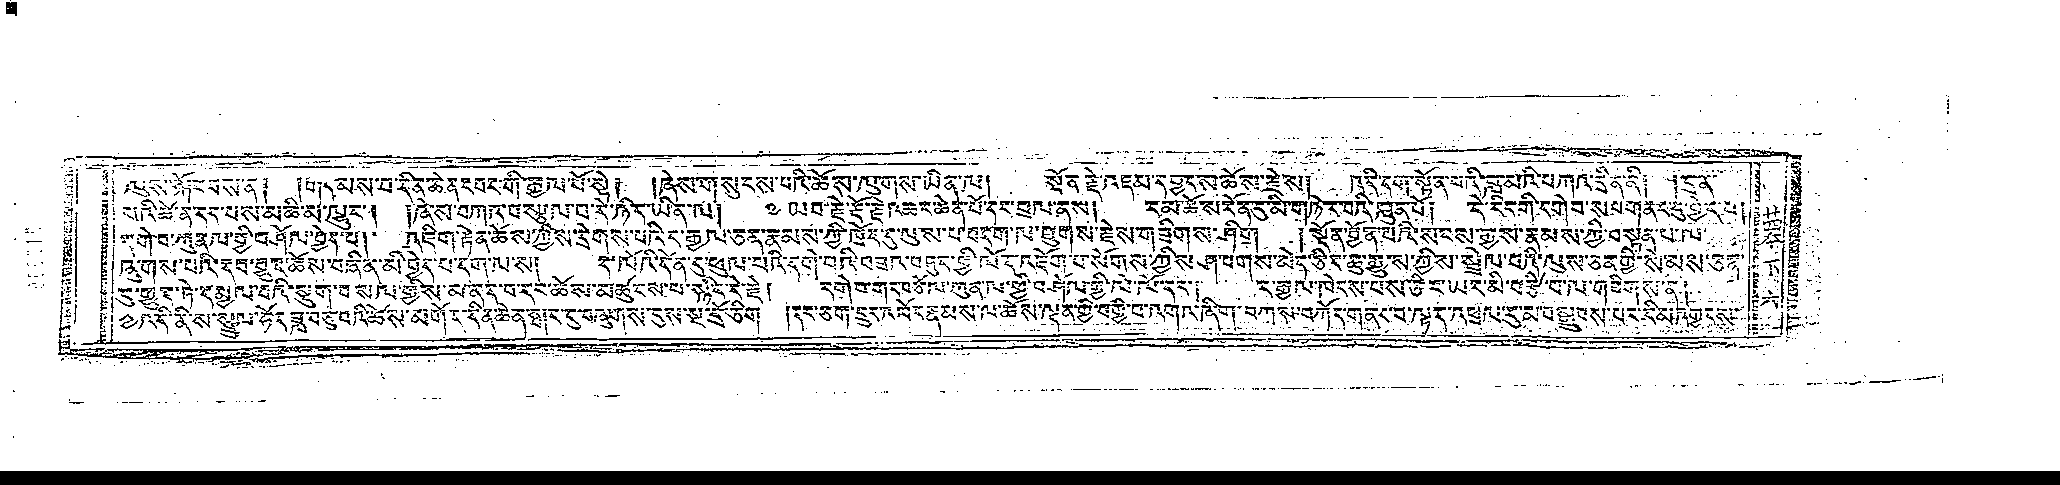ལུས་སྐོང་བས་ན། །གདམས་པ་རིན་ཆེན་དབང་གི་རྒྱལ་པོ་སྟེ། །ཞེས་གསུངས་པའི་ཆོས་ལུགས་ཡིན་ལ། སྤོང་རྗེ་འཇམ་དབྱངས་ཆོས་རྗེས། འདི་དག་སྟོན་པའི་བླ་མའི་བཀའ་དྲིན་ནི། །དྲན་
པའི་ཚེ་ན་དད་པས་མཆི་མ་ཁྱུང་། །ཞེས་བཀའ་བསྩལ་བ་དེ་ཉིད་ཡིན་ལ། ༧་ཡབ་རྗེ་རྡོ་རྗེ་འཆང་ཆེན་པོ་དང་བྲལ་ནས། དམ་ཆོས་དོན་དུ་མི་གཉེར་བའི་བླུན་པོ། དེ་རིང་གི་དགེ་བསེབ་གནང་དུ་བྱེད་པ།
དགེ་བ་ཀུན་ལ་ཕྱི་བཤོལ་བྱེད་པ། འཇིག་རྟེན་ཆོས་ཀྱིས་དྲེགས་པའི་ང་རྒྱལ་ཅན་རྣམས་ཀྱི་ཁྲོད་དུ་ལུས་པ་བདག་ལ་ཐུགས་རྗེས་གཟིགས་ཤིག །སྔོན་བྱོན་པའི་སངས་རྒྱས་རྣམས་ཀྱི་བསྟན་པ་ལ་
ཞུགས་པའི་རབ་བྱུང་ཆོས་བཞིན་མི་བྱེད་པ་དག་ལས། ད་ལོའི་དོན་དུ་ཕུལ་བའི་དགེ་བའི་བཟའ་བཏུང་ཕྱི་ལོང་འཇོག་པ་སོགས་ཀྱིས་ཤ་བགས་མེད་ཅིང་ཆུ་རྒྱུས་ཀྱིས་སྤྲེལ་བའི་ལུས་ཅན་གྱི་སེམས་ཅན་
དུ་གྱུར་ཏེ་དམྱལ་བའི་སྡུག་བསལ་གྱིས་མ་ནད་བ་དང་ཆོས་མཚུངས་པ་སྙིང་རེ་རྗེ། དགེ་བ་གང་བཅོལ་ཞུན་ལ་གྱི་བཤོལ་གྱི་ལེ་ལོ་དང་། ང་རྒྱལ་ཁེངས་ལས་ཅིང་ཡང་མི་བརྩི་བ་ལ་གཟིགས་ན།
༧་འདི་ནིས་སྤྲུལ་ཧོར་ཟླ་བཅུ་བའི་ཆོས་མགོང་རིན་ཆེན་སྒང་དུ་བཞུགས་དུས་སྔ་དྲོ་ཅིག །དང་ཅག་དྲུང་འཁོར་རྣམས་ལ་ཆོས་ལྡན་གྱི་བགྱི་བ་འགའ་ཞིག་བཀས་བཀོད་གནང་བ་ལྟར་འཕྲལ་དུ་མ་བསྒྲུབས་པར་རིམ་འགྱངས་